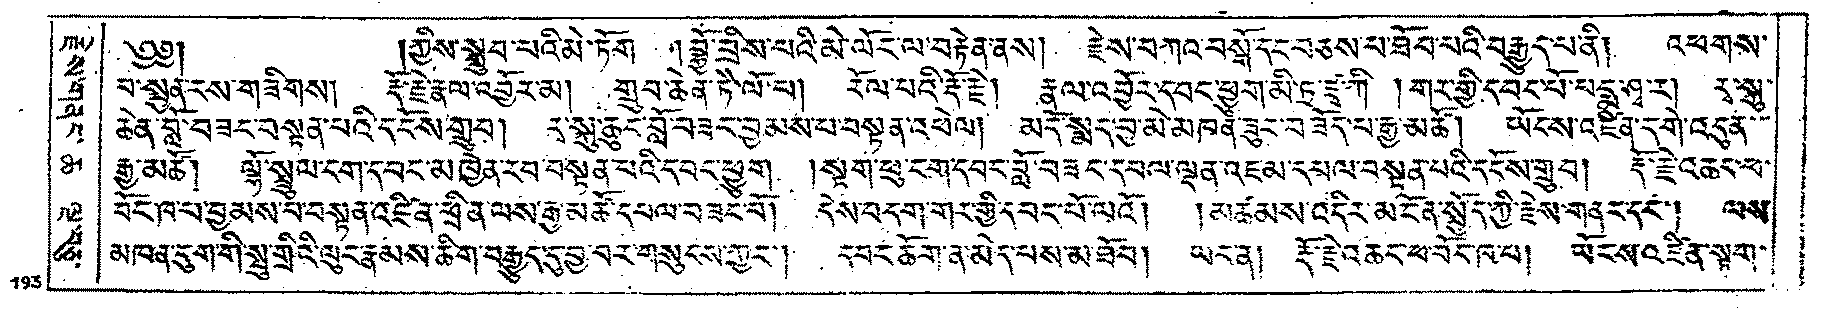༄༅། །ཀྱིས་སྒྲུབ་པའི་མེ་ཏོག །བྷྱོ་བྲིས་པའི་མེ་ལོང་ལ་བརྟེན་ནས། རྗེས་བཀའ་བསྒོ་དང་བཅས་པ་ཐོབ་པའི་བརྒྱུད་པ་ནི། འཕགས་
པ་སྤྱན་རས་གཟིགས། རྡོ་རྗེ་རྣལ་འབྱོར་མ། གྲུབ་ཆེན་ཏཻ་ལོ་པ། རོལ་པའི་རྡོ་རྗེ། རྣལ་འབྱོར་དབང་ཕྱུག་མི་ཏྲ་ཛྭ་ཀི །གར་གྱི་དབང་པོ་པདམ་ཤྭ་ར། རྭ་སྐུ་
ཆེན་བློ་བཟང་བསྟན་པའི་དངོས་གྲུབ། རྭ་སྐུ་ཆུང་བློ་བཟང་བྱམས་པ་བསྟན་འཕེལ། མདོ་སྨད་བྱ་མེ་མཁན་ཟུར་བཟོད་པ་རྒྱ་མཚོ། ཡོངས་འཛིན་དགེ་འདུན་
རྒྱ་མཚོ། ལྷོ་སྤྲུལ་ངག་དབང་མཁྱེན་རབ་བསྟན་པའི་དབང་ཕྱུག །སྟག་ཕུ་ངག་དབང་བློ་བཟང་དཔལ་ལྡན་འཇམ་དཔལ་བསྟན་པའི་དངོས་གྲུབ། རྡོ་རྗེ་འཆང་ཕ་
བོང་ཁ་པ་བྱམས་པ་བསྟན་འཛིན་ཕྲིན་ལས་རྒྱ་མཚོ་དཔལ་བཟང་པོ། དེས་བདག་གར་གྱི་དབང་པོ་ལའོ། །མཚམས་འདིར་མངོན་སྤྱོད་ཀྱི་རྗེས་གནང་དང་། ལས་
མཁན་དུག་གི་སྤུ་གྲིའི་ལུང་རྣམས་ཆིག་བརྒྱུད་དུ་བྱ་བར་གསུངས་ཀྱང་། དབང་ཆོག་ན་མེད་པས་མ་ཐོབ། ཡང་ན། རྡོ་རྗེ་འཆང་ཕ་བོང་ཁ་པ། ཡོངས་འཛིན་སྟག་